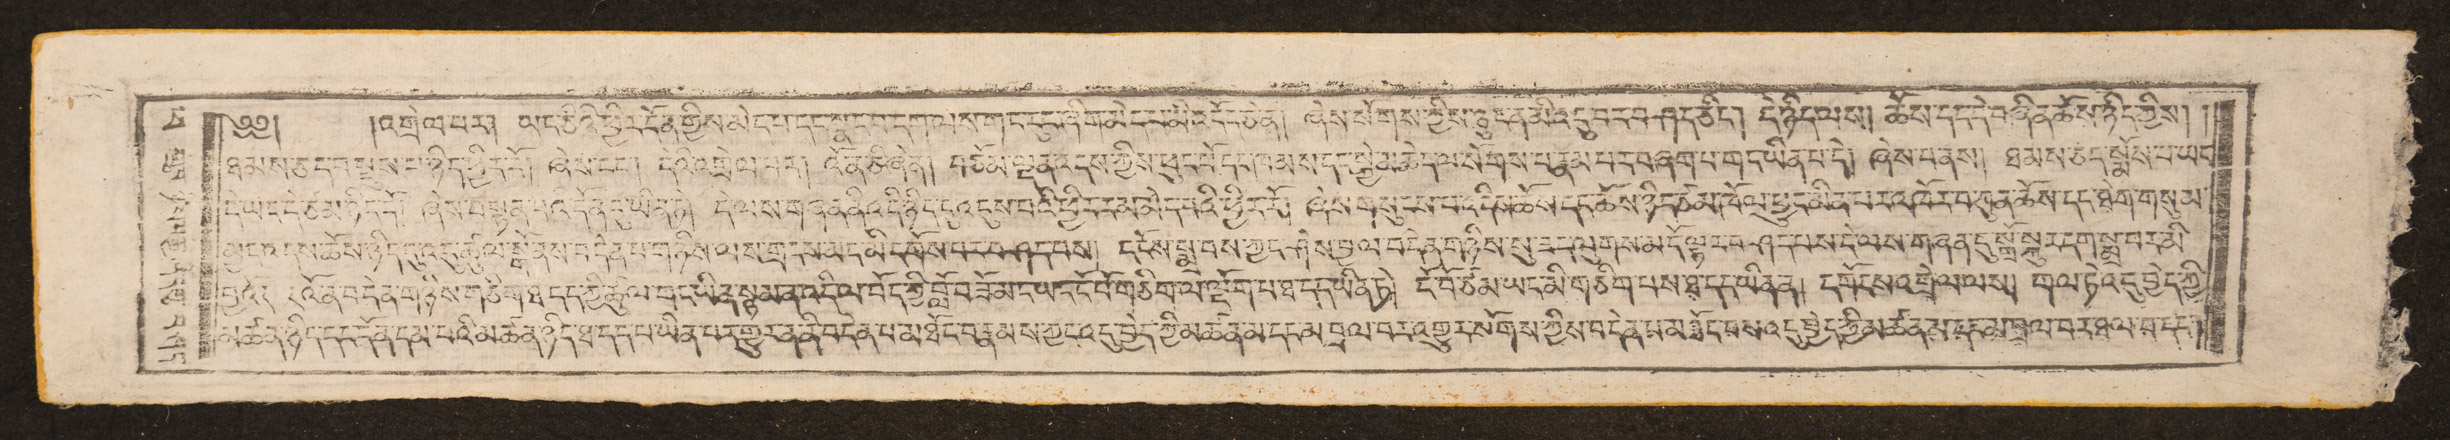༄༅། །འགྲེལ་པར། ཡང་ཅིའི་ཕྱིར་དོན་གྱིས་མེད་པ་དང་སྣང་བ་དག་ལས་གང་རུང་ཞིག་མེད་པ་མི་འདོད་ཅེ་ན། ཞེས་སོགས་ཀྱིས་ཉུང་ན་མི་འདུ་བར་བཤད་ཅིང་། དེ་ཉིད་ལས། ཆོས་དང་དེ་བཞིན་ཆོས་ཉིད་ཀྱིས། །
ཐམས་ཅད་བསྡུས་པ་ཉིད་ཕྱིར་རོ། ཞེས་དང་། དེའི་འགྲེལ་པར། འོ་ན་ཅི་ཞེ་ན། བཅོམ་ལྡན་འདས་ཀྱིས་ཕུང་པོ་དང་ཁམས་དང་སྐྱེ་མཆེད་ལ་སོགས་པ་རྣམ་པར་བཞག་པ་གང་ཡིན་པ་དེ། ཞེས་པ་ནས། ཐམས་ཅད་སྨོས་པ་ཡང་
དེ་ཡང་དེ་ཙམ་ཉིད་དོ། ཞེས་བསྟན་པའི་དོན་དུ་ཡིན་ཏེ། དེ་ལས་གཞན་ནི་འདི་ཉིད་དུ་འདུས་པའི་ཕྱིར་རམ་མེད་པའི་ཕྱིར་རོ། ཞེས་གསུངས་པ་འདིས་ཆོས་དང་ཆོས་ཉིད་ཙམ་ཁོལ་ཕྱུང་མིན་པར་འཁོར་བ་ཀུན་ཆོས་དང་ཐེག་གསུམ་
མྱང་འདས་ཆོས་ཉིད་དུ་འདུ་ཚུལ་སྒོ་ནས་བདེན་པ་གཉིས་ལས་གྲངས་མང་མི་དགོས་པར་བཤད་པས། དངོས་སྨྲ་བས་ཀྱང་ཤེས་བྱ་ལ་བདེན་གཉིས་སུ་ཟད་ལུགས་མདོ་ལྟར་བཤད་པས་དེ་ལས་གཞན་དུ་སྒྲོ་སྐུར་དག་སྨྲ་བར་མི་
བྱའོ༑ ༑འོ་ན་བདེན་གཉིས་གཅིག་ཐ་དད་ཀྱི་ཚུལ་གང་ཡིན་སྙམ་ན་འདི་ལ་བོད་ཀྱི་བློ་བཟོ་མང་ཡང་ངོ་བོ་གཅིག་ལ་ལྡོག་པ་ཐ་དད་ཡིན་ཏེ། ངོ་བོ་ཙམ་ཡང་མི་གཅིག་པས་ཐ་དད་ཡིན་ན། དགོངས་འགྲེལ་ལས། གལ་ཏེ་འདུ་བྱེད་ཀྱི་
མཚན་ཉིད་དང་དོན་དམ་པའི་མཚན་ཉིད་ཐ་དད་པ་ཡིན་པར་གྱུར་ན་ནི་བདེན་པ་མཐོང་བ་རྣམས་ཀྱང་འདུ་བྱེད་ཀྱི་མཚན་མ་དང་མ་བྲལ་བར་འགྱུར་སོགས་ཀྱིས་བདེན་པ་མཐོང་བས་འདུ་བྱེད་ཀྱི་མཚན་མ་དང་མ་བྲལ་བར་ཐལ་བ་དང་།